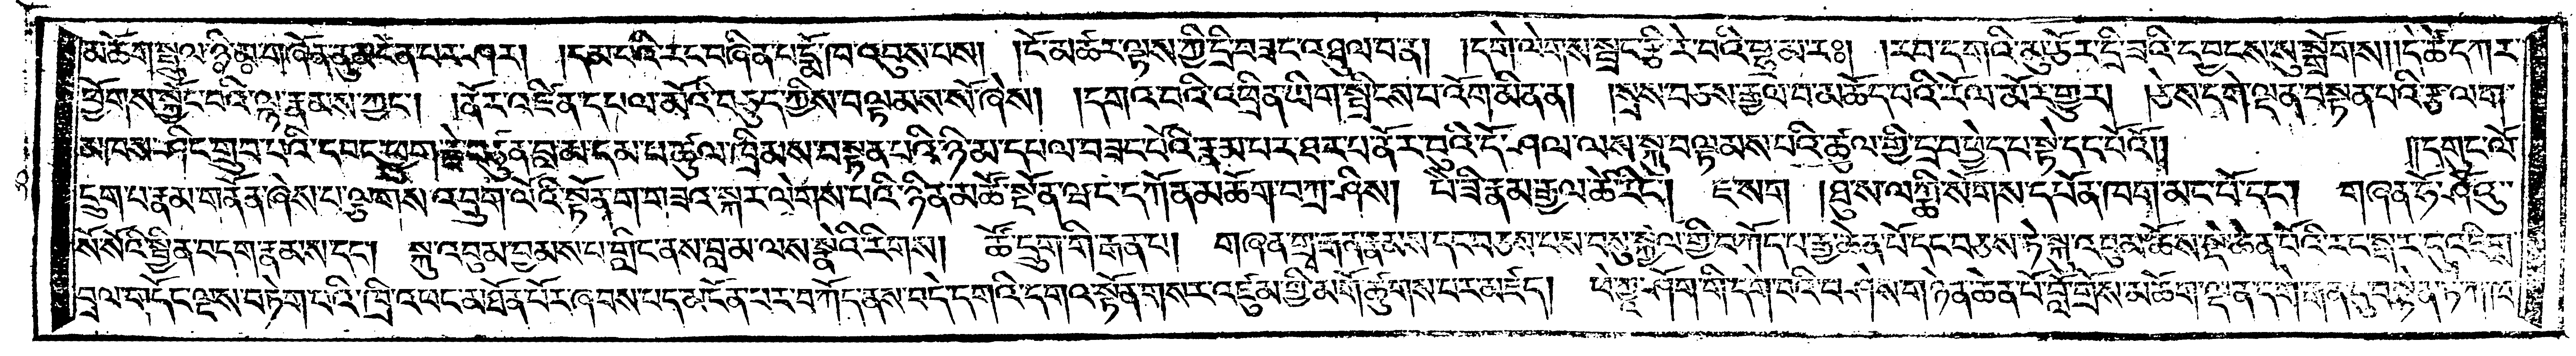མཆོག་སྤྲུལ་ཉི྾་མ྾་གཞོན་ནུ་མངོན་པར་ཤར། །དམ་པའི་རང་བཞིན་པདམོ་ཁ་འབུས་པས། །ངོ་མཚར་ལྟས་ཀྱི་དྲི་བཟང་འཐུལ་བ་ན། །དགེ་ལེགས་སྦྲང་རྩི་རེ་བའི་བྷྲ་མ་རཿ། །རབ་དགའི་མུ་ཅོར་དྲི་ཟའི་དབྱངས་སུ་སྒྲོགས། །དེ་ཚེ་དཀར་
ཕྱོགས་སྐྱོང་བའི་ལྷ་རྣམས་ཀྱང་། །ནོར་འཛིན་དཔལ་མོའི་བཅུད་ཀྱིས་བལྟམས་སོ་ཞེས། །དགའ་བའི་འཕྲིན་ཡིག་སྤྲིངས་པ་འོག་མིན་ན། །སྲས་བཅས་རྒྱལ་བ་མཆོད་པའི་རོལ་མོར་གྱུར། །ཅེས་དགེ་ལྡན་བསྟན་པའི་རྩ་ལག་
མཁས་ཤིང་གྲུབ་པའི་དབང་ཕྱུག་རྗེ་བཙུན་བླ་མ་དམ་པ་ཚུལ་ཁྲིམས་བསྟན་པའི་ཉི་མ་དཔལ་བཟང་པོའི་རྣམ་པར་ཐར་པ་ནོར་བུའི་དོ་ཤལ་ལས་སྐུ་བལྟམས་པའི་ཚུལ་གྱི་དྲ་བ་ཕྱེད་པ་སྟེ་དང་པོའོ།། །།དགུང་ལོ་
དྲུག་པ་རྣམ་གནོན་ཞེས་པ་ལྕགས་འབྲུག་ལོའི་སྟོན་ག་གཟའ་སྐར་ལེགས་པའི་ཉིན་མཚོ་སྔོན་ཝང་དཀོན་མཆོག་བཀྲ་ཤིས། པཻ་ཟི་རྣམ་རྒྱལ་ཚེ་རིང་། ཇ་སག །ཐུ་ས་ལཀྣི་སོགས་དཔོན་ཁག་མང་པོ་དང་། གཞན་ཧོ་ཤོའུ་
སོ་སོའི་སྦྱིན་བདག་རྣམས་དང་། སྐུ་འབུམ་བྱམས་པ་གླིང་ནས་བླ་མ་ལས་སྣེའི་རིགས། ཚོ་དྲུག་གི་རྒན་པ། གཞན་གྲྭ་རྒན་རྣམས་དང་བཅས་པས་བསུ་སྐྱེལ་གྱི་བཀོད་པ་རྒྱ་ཆེན་པོ་དང་བཅས་ཏེ་སྐུ་འབུམ་ཆོས་སྡེ་ཆེན་པོའི་རང་སྒར་དུ་འཇིགས་
བྲལ་གདོང་ལྔས་བཏེག་པའི་ཁྲི་འཕང་མཐོན་པོར་ཞབས་པད་མངོན་པར་བཀོད་ནས་བདེ་དགའི་དགའ་སྟོན་གསར་འཛུམ་གྱི་མགོ་ཚུགས་པར་མཛད། ཕེ་ཀྱཱ་ཤོག་གི་དགེ་བའི་བཤེས་གཉེན་ཆེན་པོ་བློ་གྲོས་མཆོག་ལྡན་དགེ་རྒན་དུ་བསྟེན་ཏེ་ཀ་ཁ་